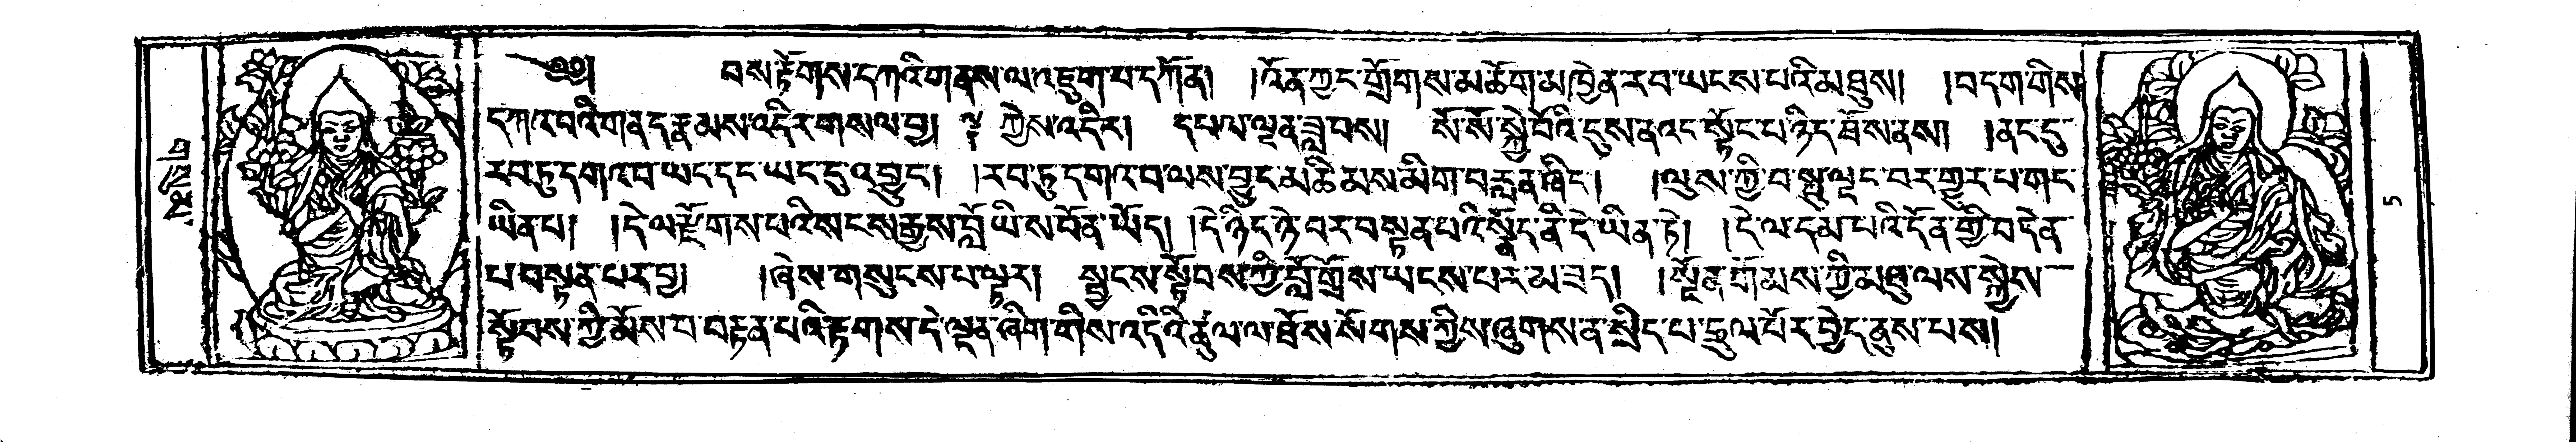༄༅། བས་རྟོགས་དཀའི་གནས་ལ་འཇུག་པ་དཀོན། །འོན་ཀྱང་གྲོགས་མཆོག་མཁྱེན་རབ་ཡངས་པའི་མཐུས། །བདག་གིས་
དཀའ་བའི་གནད་རྣམས་འདིར་གསལ་བྱ། ༈ ཀྱེས་འདིར། དཔལ་ལྡན་ཟླ་བས། སོ་སོ་སྐྱེ་བོའི་དུས་ནའང་སྟོང་པ་ཉིད་ཐོས་ནས། །ནང་དུ་
རབ་ཏུ་དགའ་བ་ཡང་དང་ཡང་དུ་འབྱུང་། །རབ་ཏུ་དགའ་བ་ལས་བྱུང་མཆི་མས་མིག་བརླན་ཞིང་། །ལུས་ཀྱི་བ་སྤུ་ལྡང་བར་གྱུར་པ་གང་
ཡིན་པ། །དེ་ལ་རྫོགས་པའི་སངས་རྒྱས་བློ་ཡི་ས་བོན་ཡོད། །དེ་ཉིད་ཉེ་བར་བསྟན་པའི་སྣོད་ནི་དེ་ཡིན་ཏེ། །དེ་ལ་དམ་པའི་དོན་གྱི་བདེན་
པ་བསྟན་པར་བྱ། །ཞེས་གསུངས་པ་ལྟར། སྦྱངས་སྟོབས་ཀྱི་བློ་གྲོས་ཡངས་པར་མ་ཟད། །སྔོན་གོམས་ཀྱི་མཐུ་ལས་སྐྱེས་
སྟོབས་ཀྱི་མོས་པ་བརྟན་པའི་རྟགས་དེ་ལྡན་ཞིག་གིས་འདིའི་ཚུལ་ལ་ཐོས་སོགས་ཀྱིས་ཞུགས་ན་སྲིད་པ་ཧྲུལ་པོར་བྱེད་ནུས་པས།